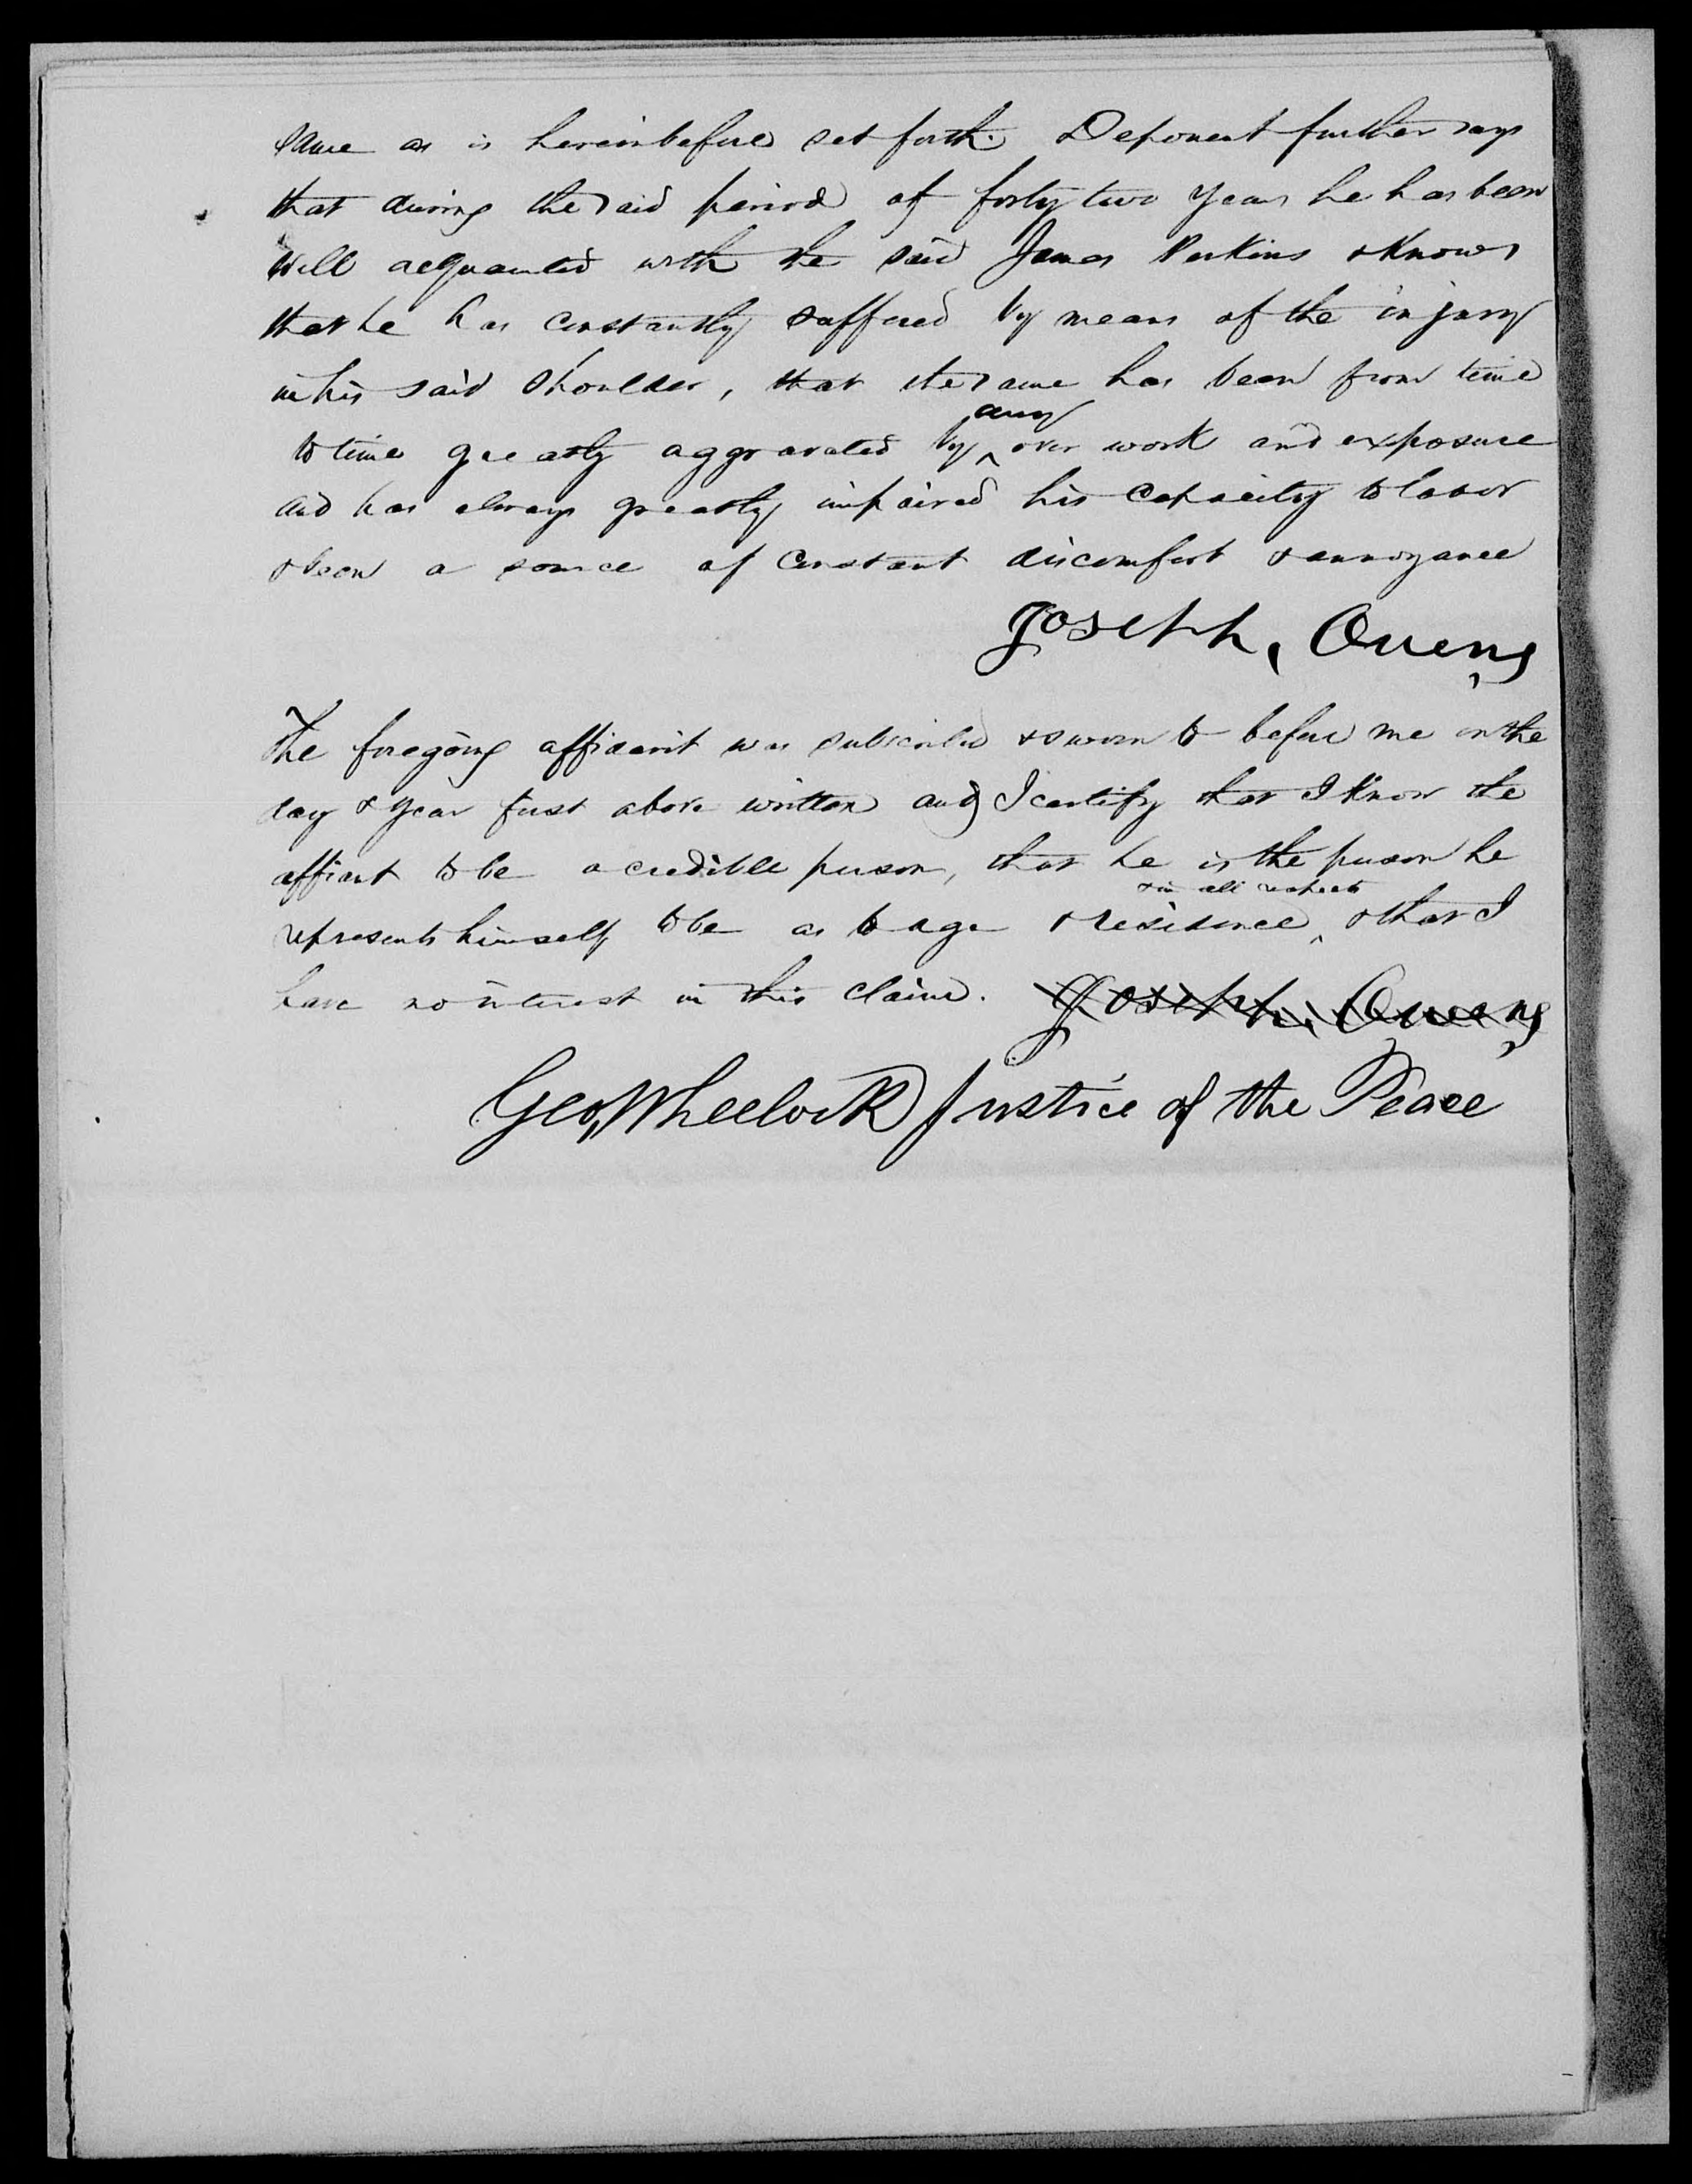same as is hereinbefore set forth. Deponent further says that during the said period of forty two years he has been well acquainted with the said James Perkins & knows that he has constantly suffered by means of the injury in his said shoulder, that the same has been from time to time greatly aggravated by any over work and exposure and has always greatly impaired his capacity to labor & been a source of constant discomfort & annoyance 
[signed] Joseph Owens
The foregoing affidavit was subscribed & sworn to before me on the day & year first above written and I certify that I know the affiant to be a credible person, that he is the person he represents himself be as to age & residence and in all respects & that I have no interest in this claim. 
[crossed out: Joseph Owens]
[signed] Geo. Wheelock Justice of the Peace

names: Geo Wheelock; Joseph Owens; James Perkins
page: 12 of 44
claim: rejected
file: R. 17,033, for Joseph Perkins, New York